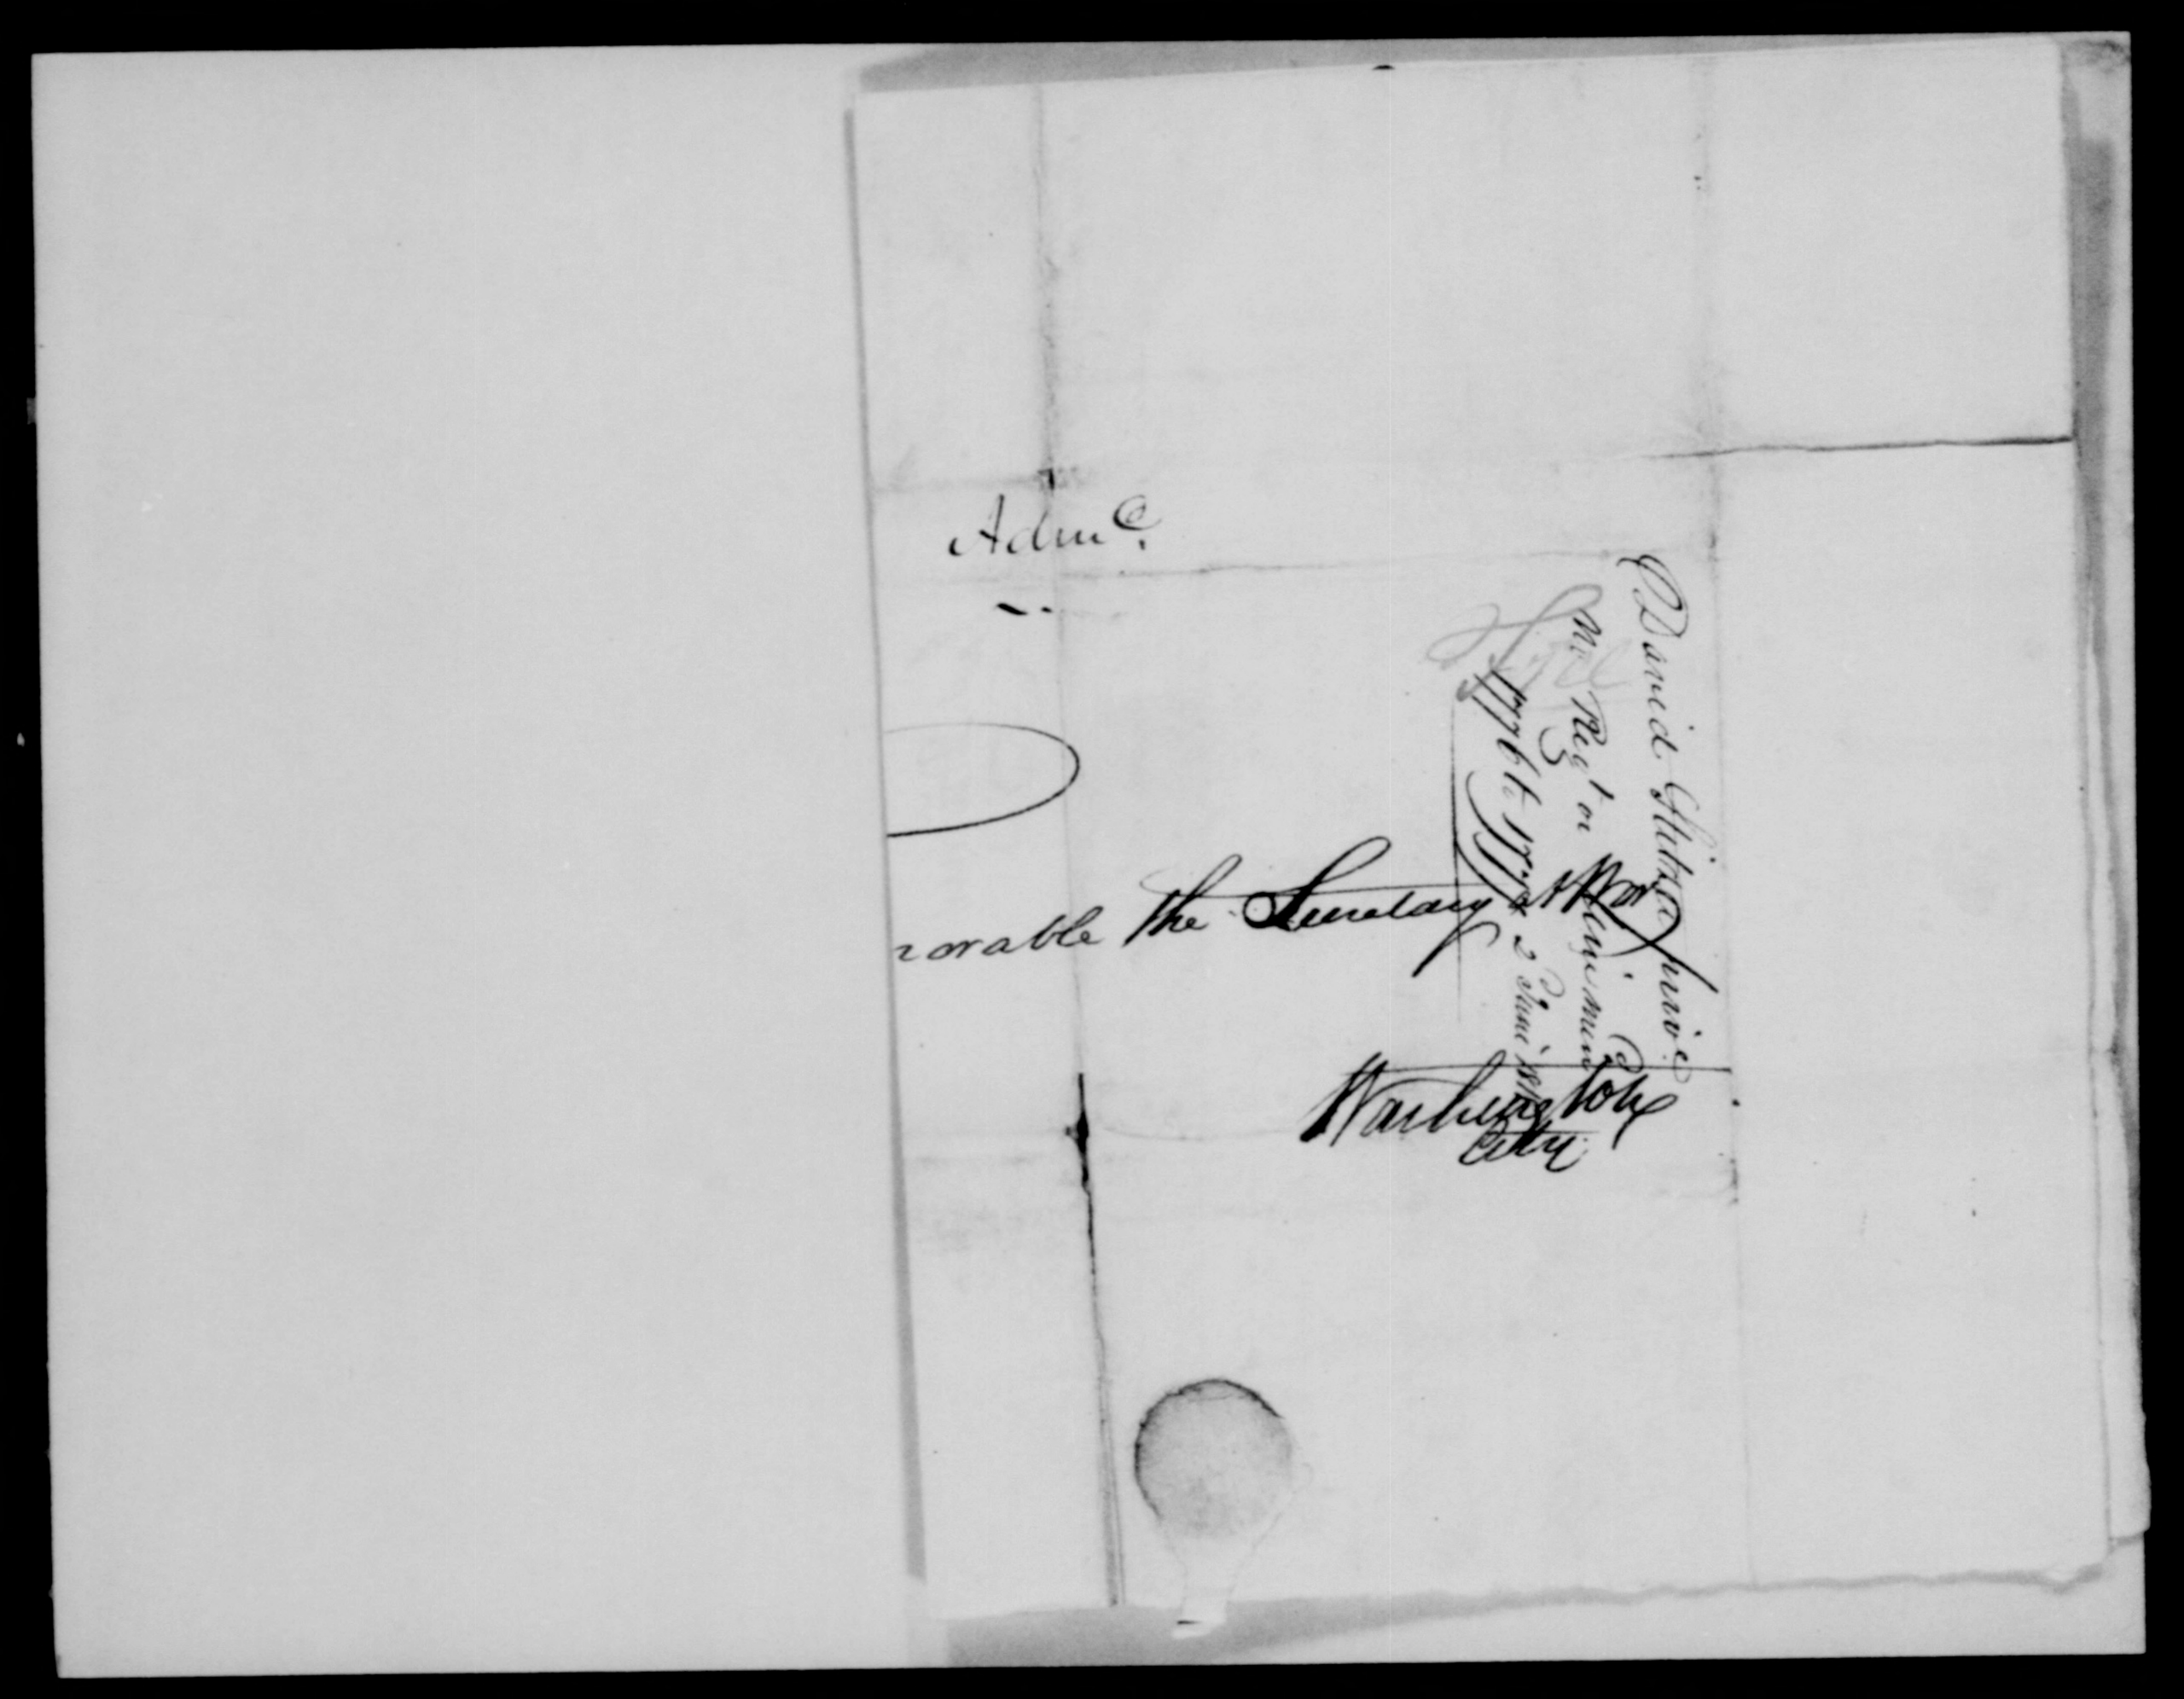Admitted
Honorable, the Secretary of War
Washington City
David Stitzer, private
[illegible]
1776-1777, 2 June 1811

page: 5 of 28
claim: widow's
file: W. 3163, for David Statser, Pennsylvania